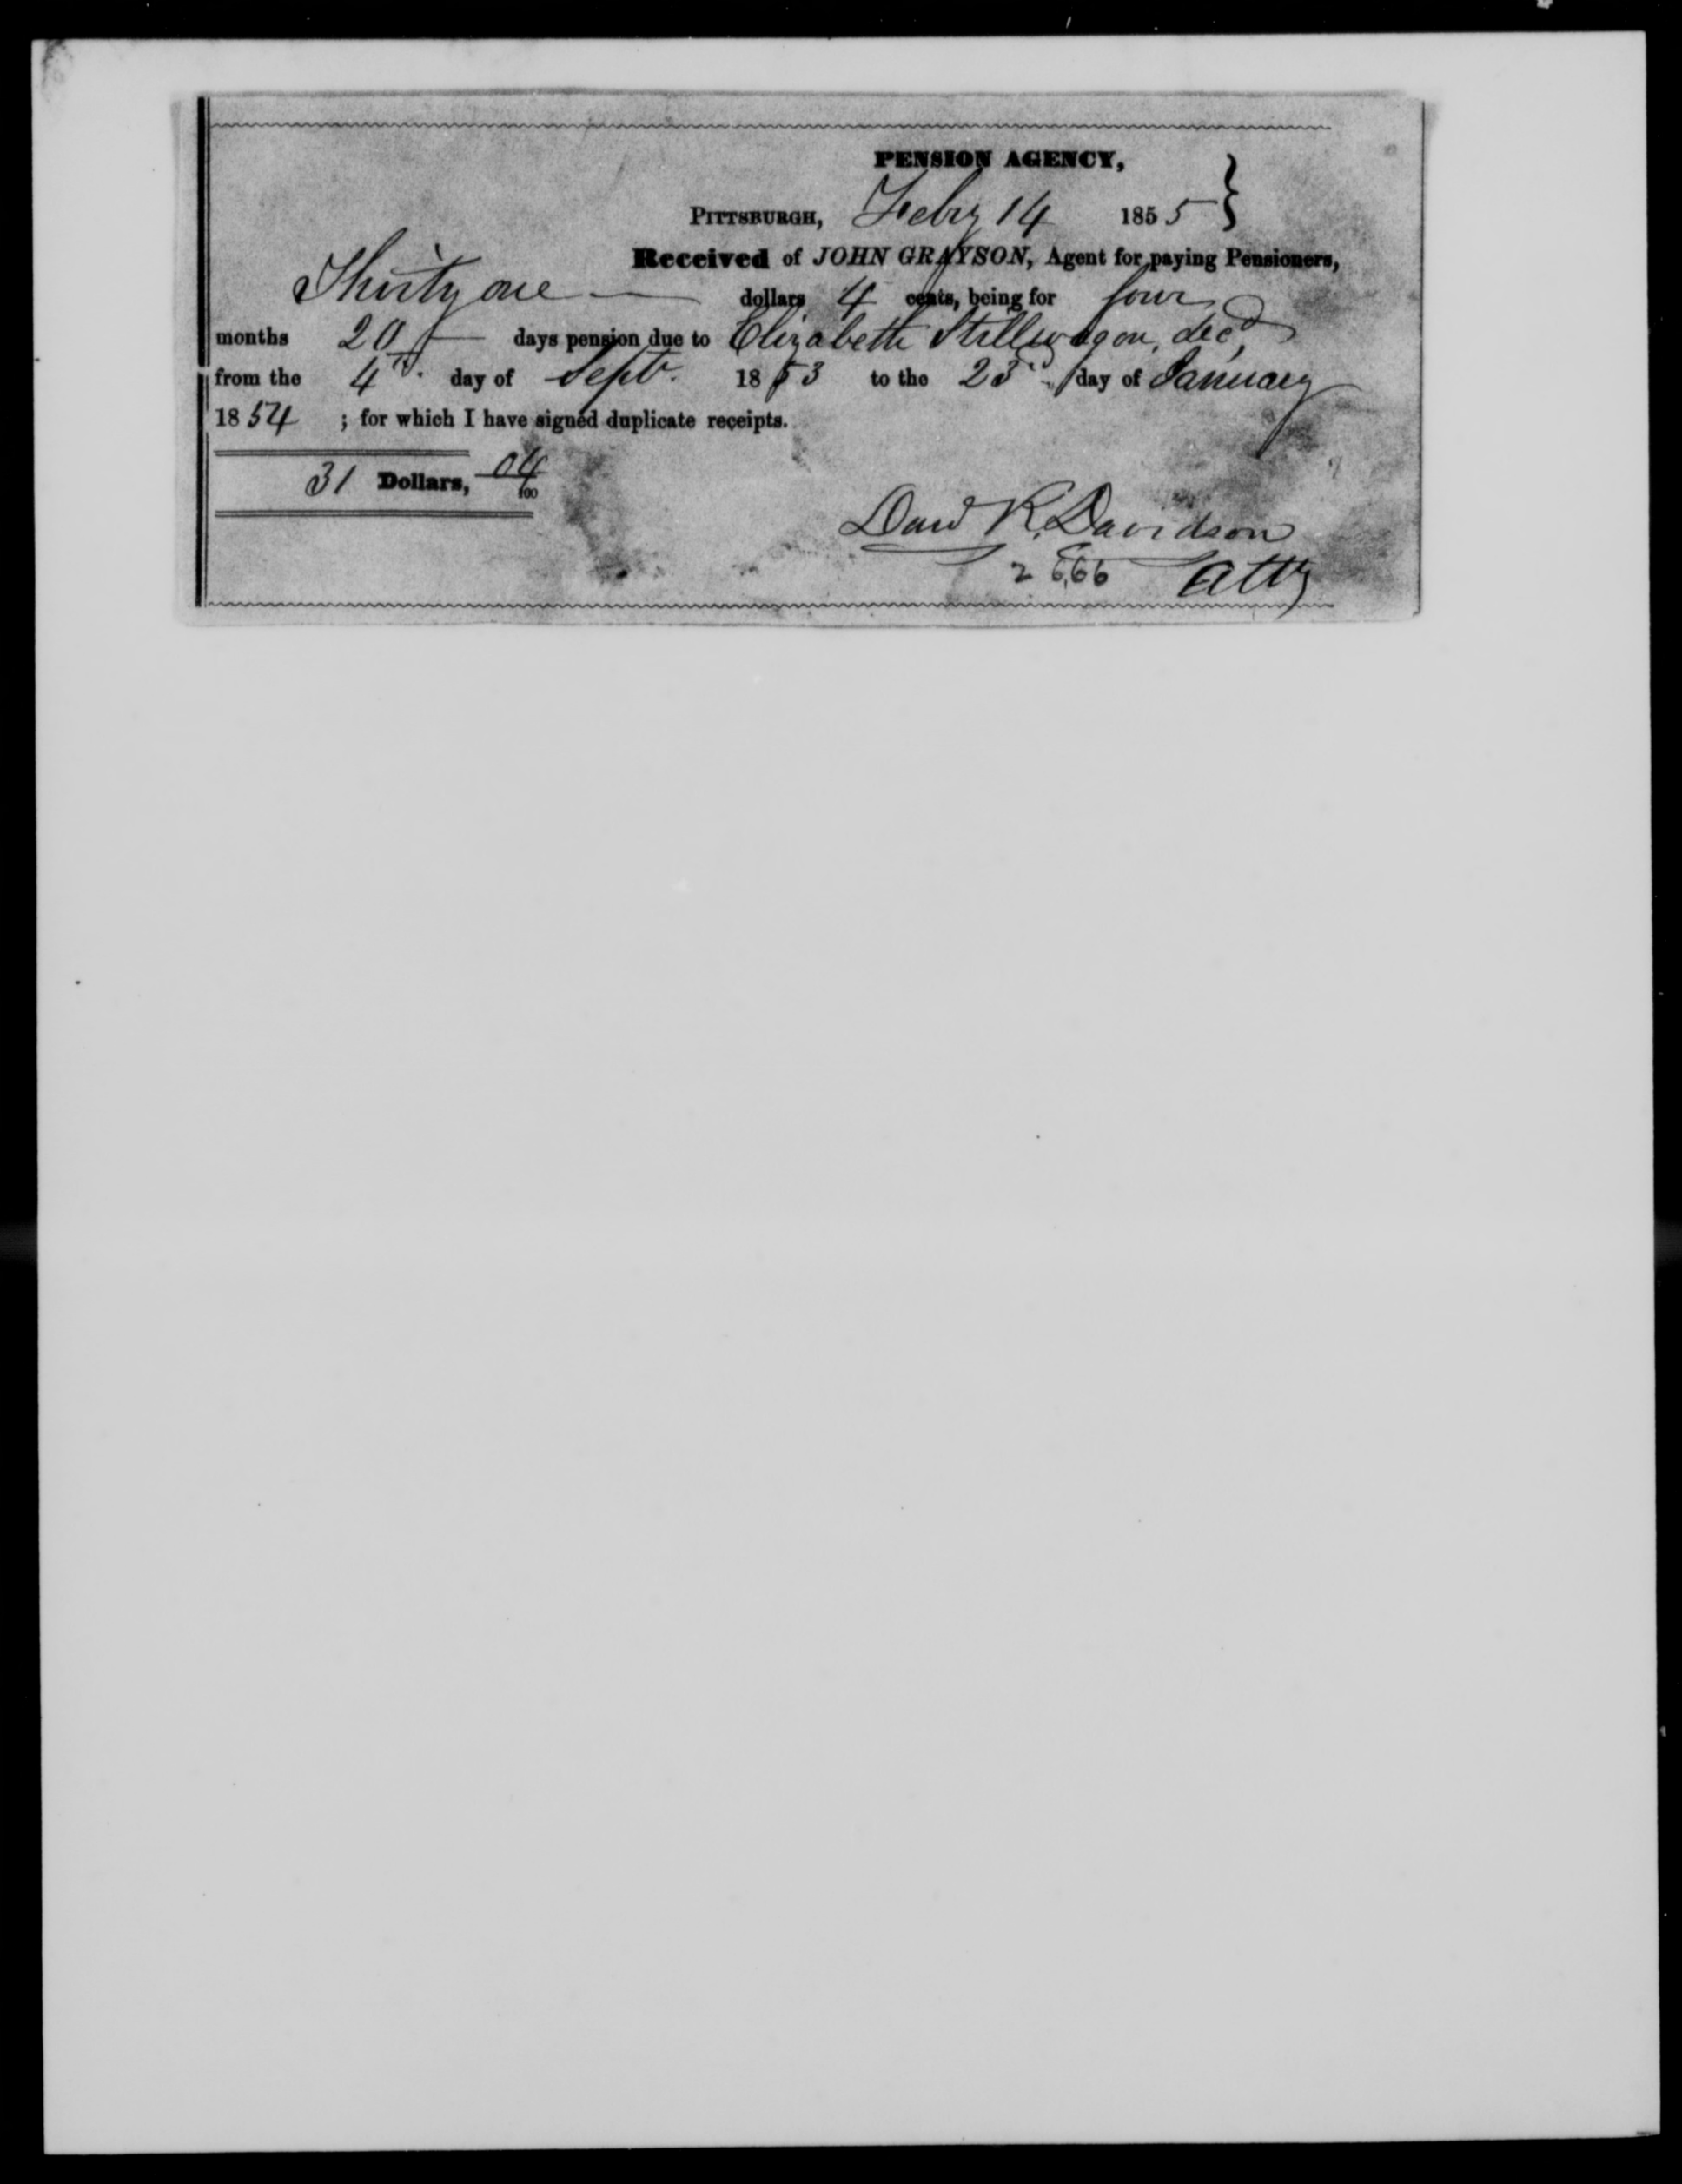Pension Agency
Pittsburgh, Febry [sic] 14 1855
Received of John Grayson, Agent for paying Pensioners,
Thirty one dollars 4 cents, being for four months 20 days pension due to Elizabeth Stillwagon, decd, 1854; for which I have signed duplicate receipts.
31 Dollars, 04
Da[illegible] R. Davidson
2666 Atty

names: Danl R Davidson; John Grayson; Elizabeth Stillwagon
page: 5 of 73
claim: widow's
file: W. 3197, for Peter Stillwagon, New Jersey